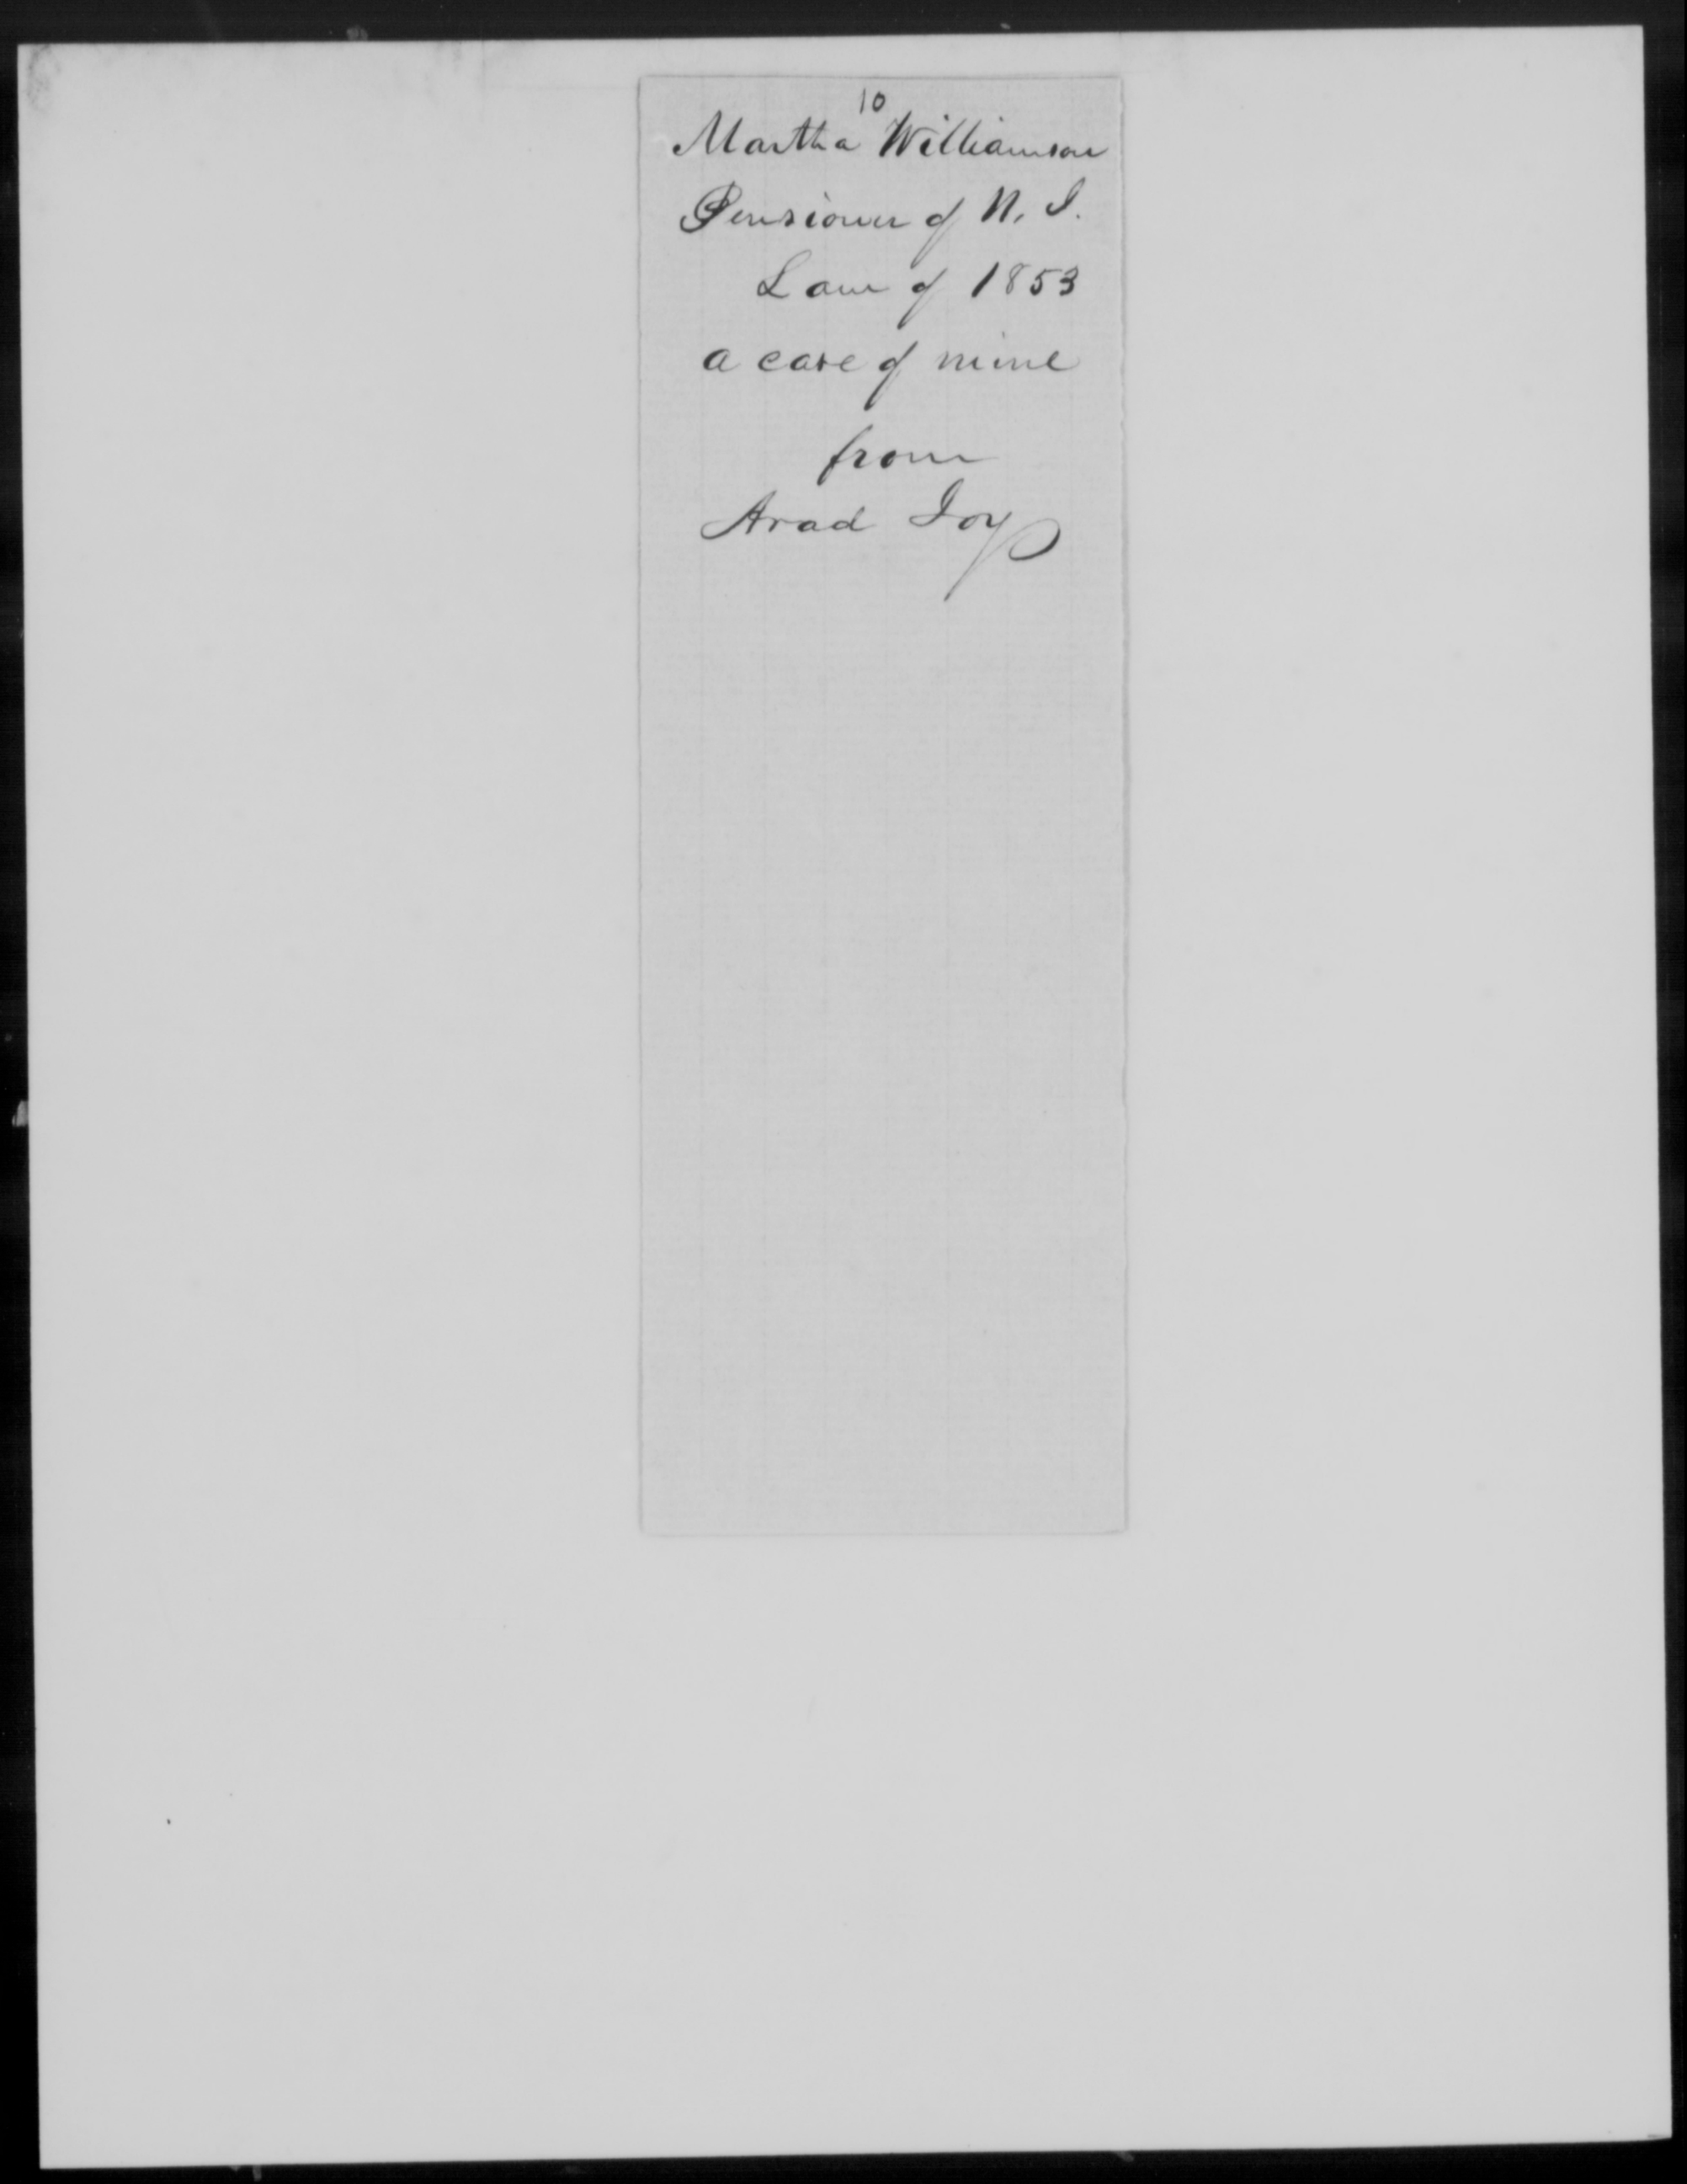Martha Williamson, Pensioner of U.S. Law of 1853. A case of mine. From Arad Joy.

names: Arad Joy, Martha Williamson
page: 39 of 67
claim: widow's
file: W. 2393, Jacob Williamson, New Jersey